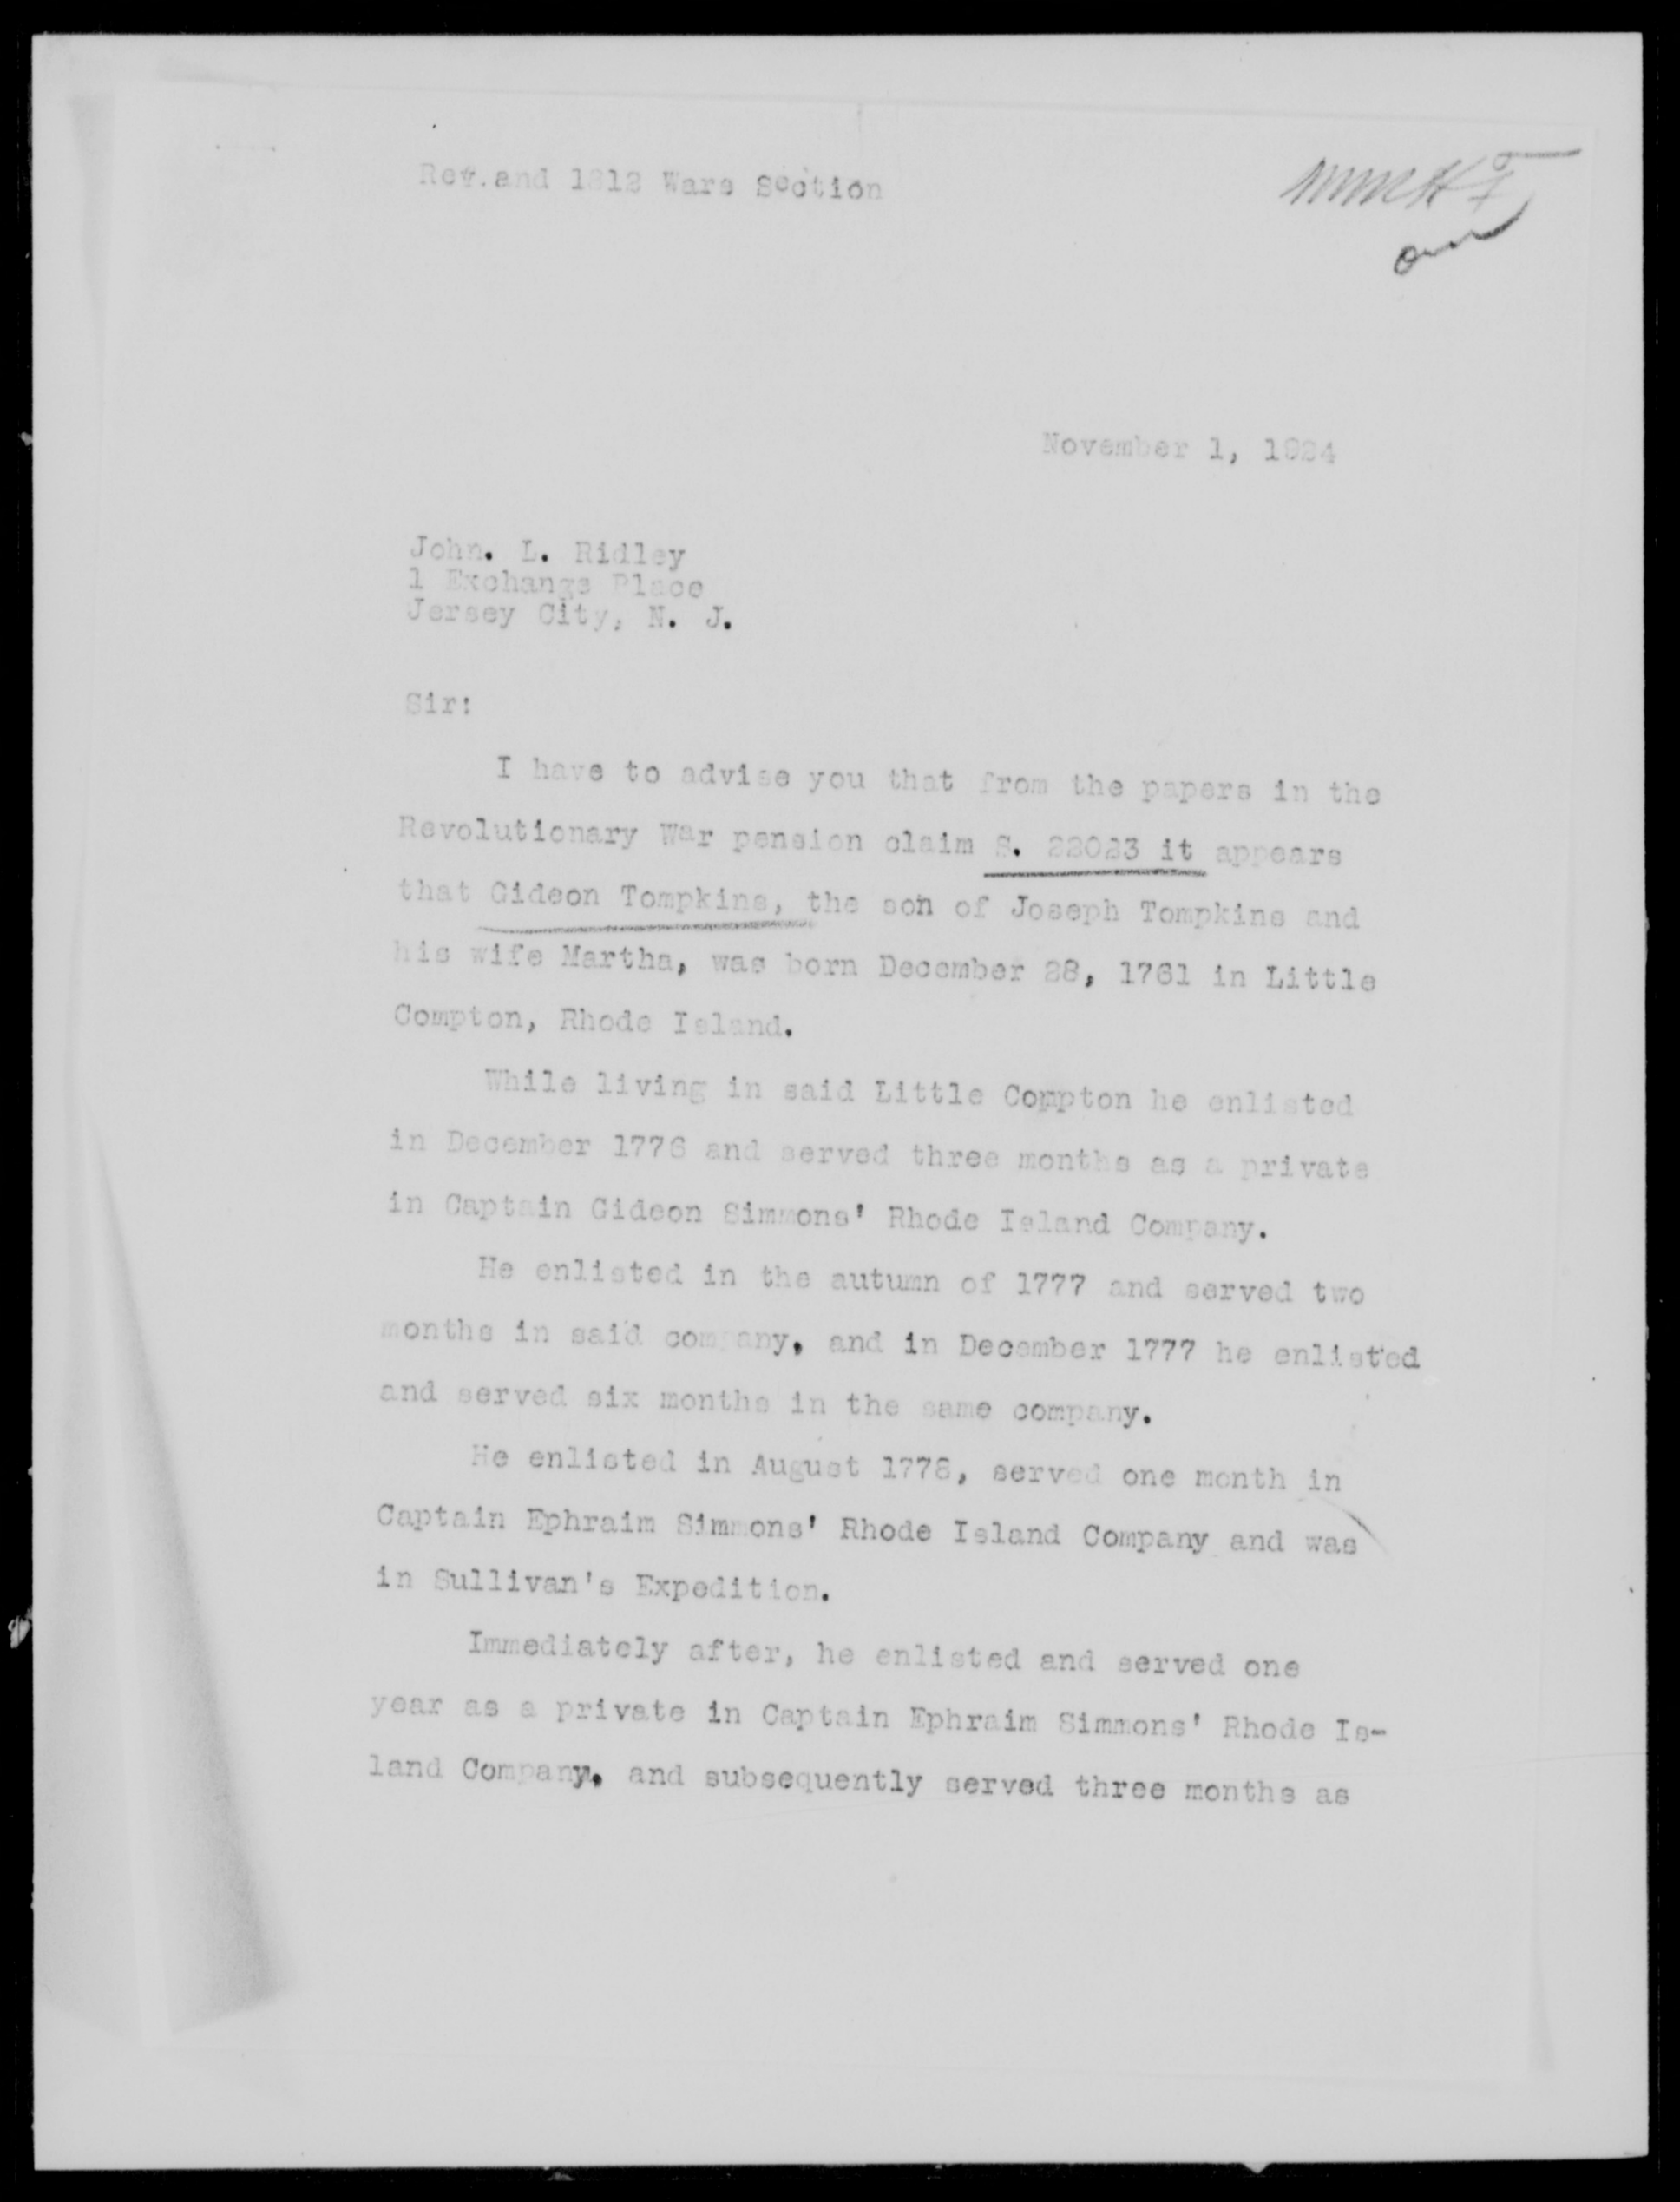Rev. and 1812 Wars Section
November 1, 1924
John L. Ridley
1 Exchange Place
Jersey City, N. J.

Sir:
I have to advise you that from the papers in the Revolutionary War pension claim S. 22023 it appears that Gideon Tompkins, the son of Joseph Tompkins and his wife Martha, was born December 28, 1761 in Little
Compton, Rhode Island.
While living in said Little Compton he enlisted
in December 1776 and served three months as a private in Captain Gideon Simmons' Rhode Island Company.
He enlisted in the autumn of 1777 and served two months in said company, and in December 1777 he enlisted and served six months in the same company.
He enlisted in August 1778, served one month in Captain Ephrain Simmons' Rhode Island Company and was in Sullivan's Expedition.
Immediately after, he enlisted and served one
year as a private in Captain Ephrain Simmons' Rhode Island Company, and subsequently served three months as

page: 12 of 25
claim: survivor's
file: S. 22,023, for Gideon Tompkins, Rhode Island